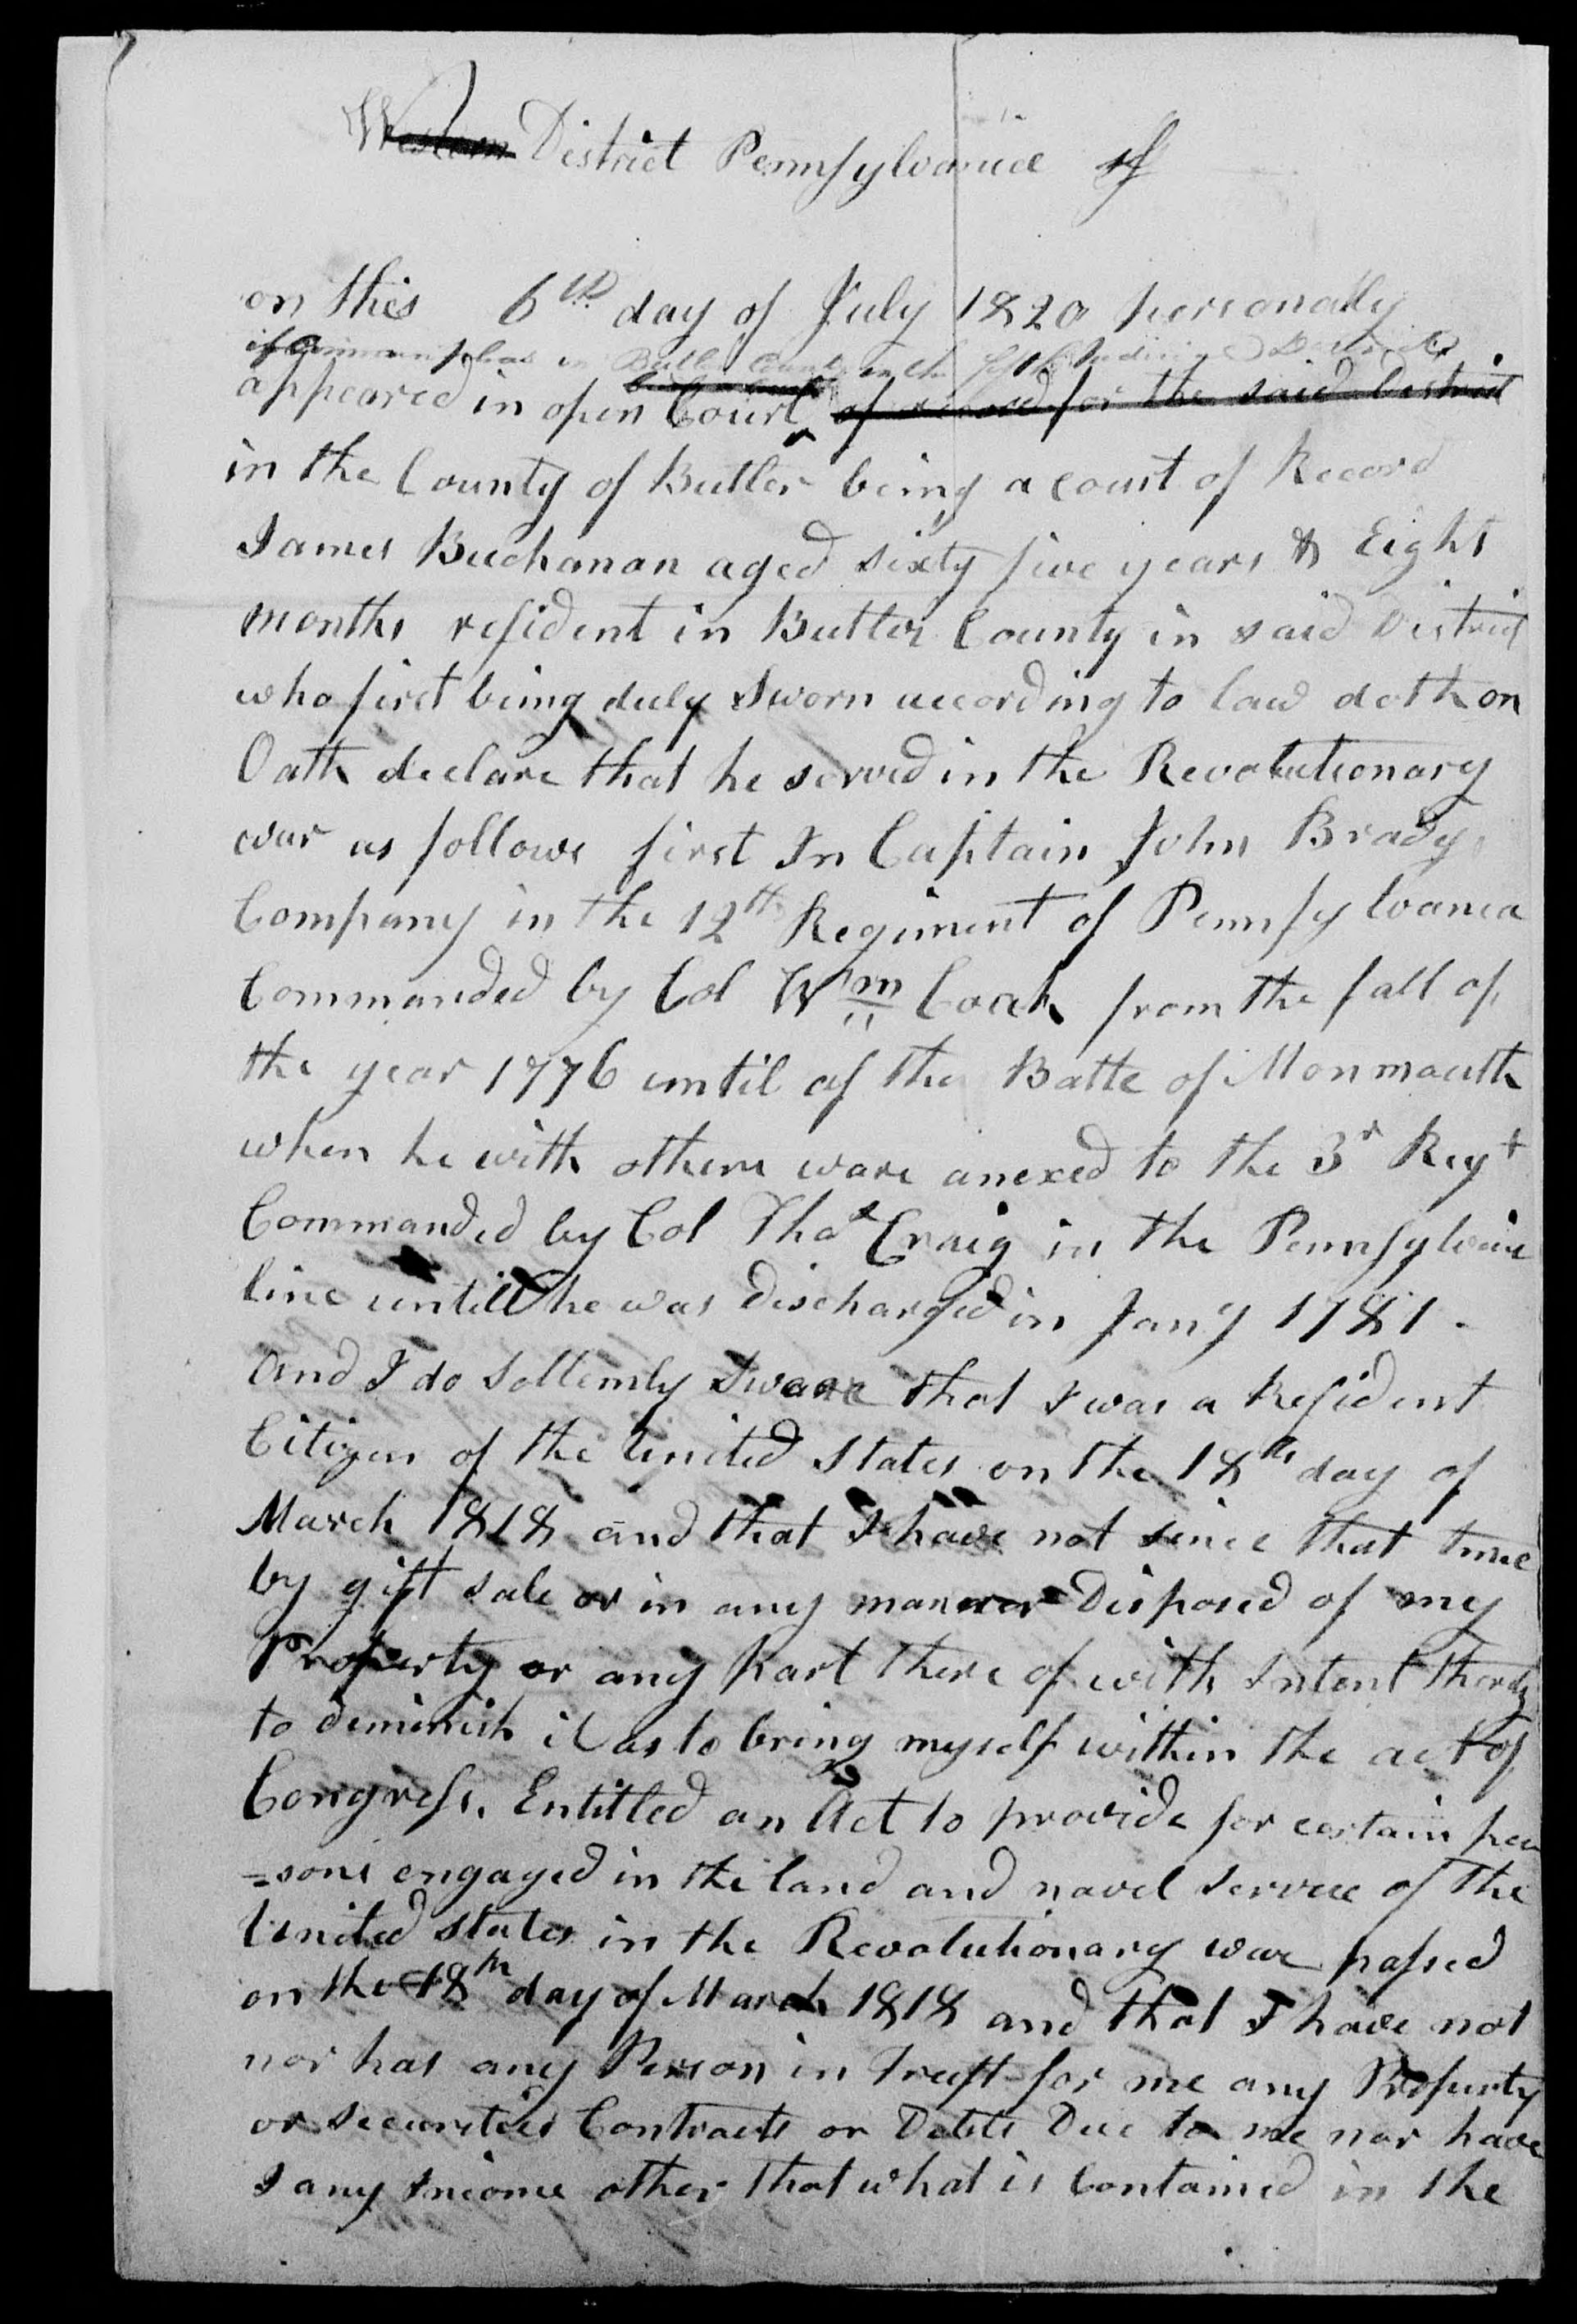District of Pennsylvania
on this 6th day of July 1820 personally appeared in open court in the county of Butler being in court of record James Buchanan aged sity five years and eight months resident of Butler County in said district who first being duly sworn according to law and oath declare that he served in the Revolutionary war as follows first in Captain John Brady Company in the 12th regiment of Pennsylvania commanded by Col Thom Larch from the fall of the year 1776 until of the Battle of Monmouth when he with others were annexed to the 3rd Regt and Commanded by Col Thom Craig in Pennsylvania line until he was discharged in July 1781 and I do solemnly swear that I was a resident citizen of the United States on the 18th day of March 1818 and that I have not since that time by gift sale or in any manner disposed of my property or any part there of with intent to diminish it as to bring myself within the act of congress entitled or act to provide for certain few some engaged in the land and navel service of the United Stated in the Revolutionary war passed on the 18th day of March 1818 and that I have not nor have any person in trust for one any property or securities contracts on debts due to me nor have I any income other that in what it contained in the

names: James Buchanan, Thos Craig, Wm Cook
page: 6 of 15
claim: survivor's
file: S. 40,765, James Buchanan, Pa.